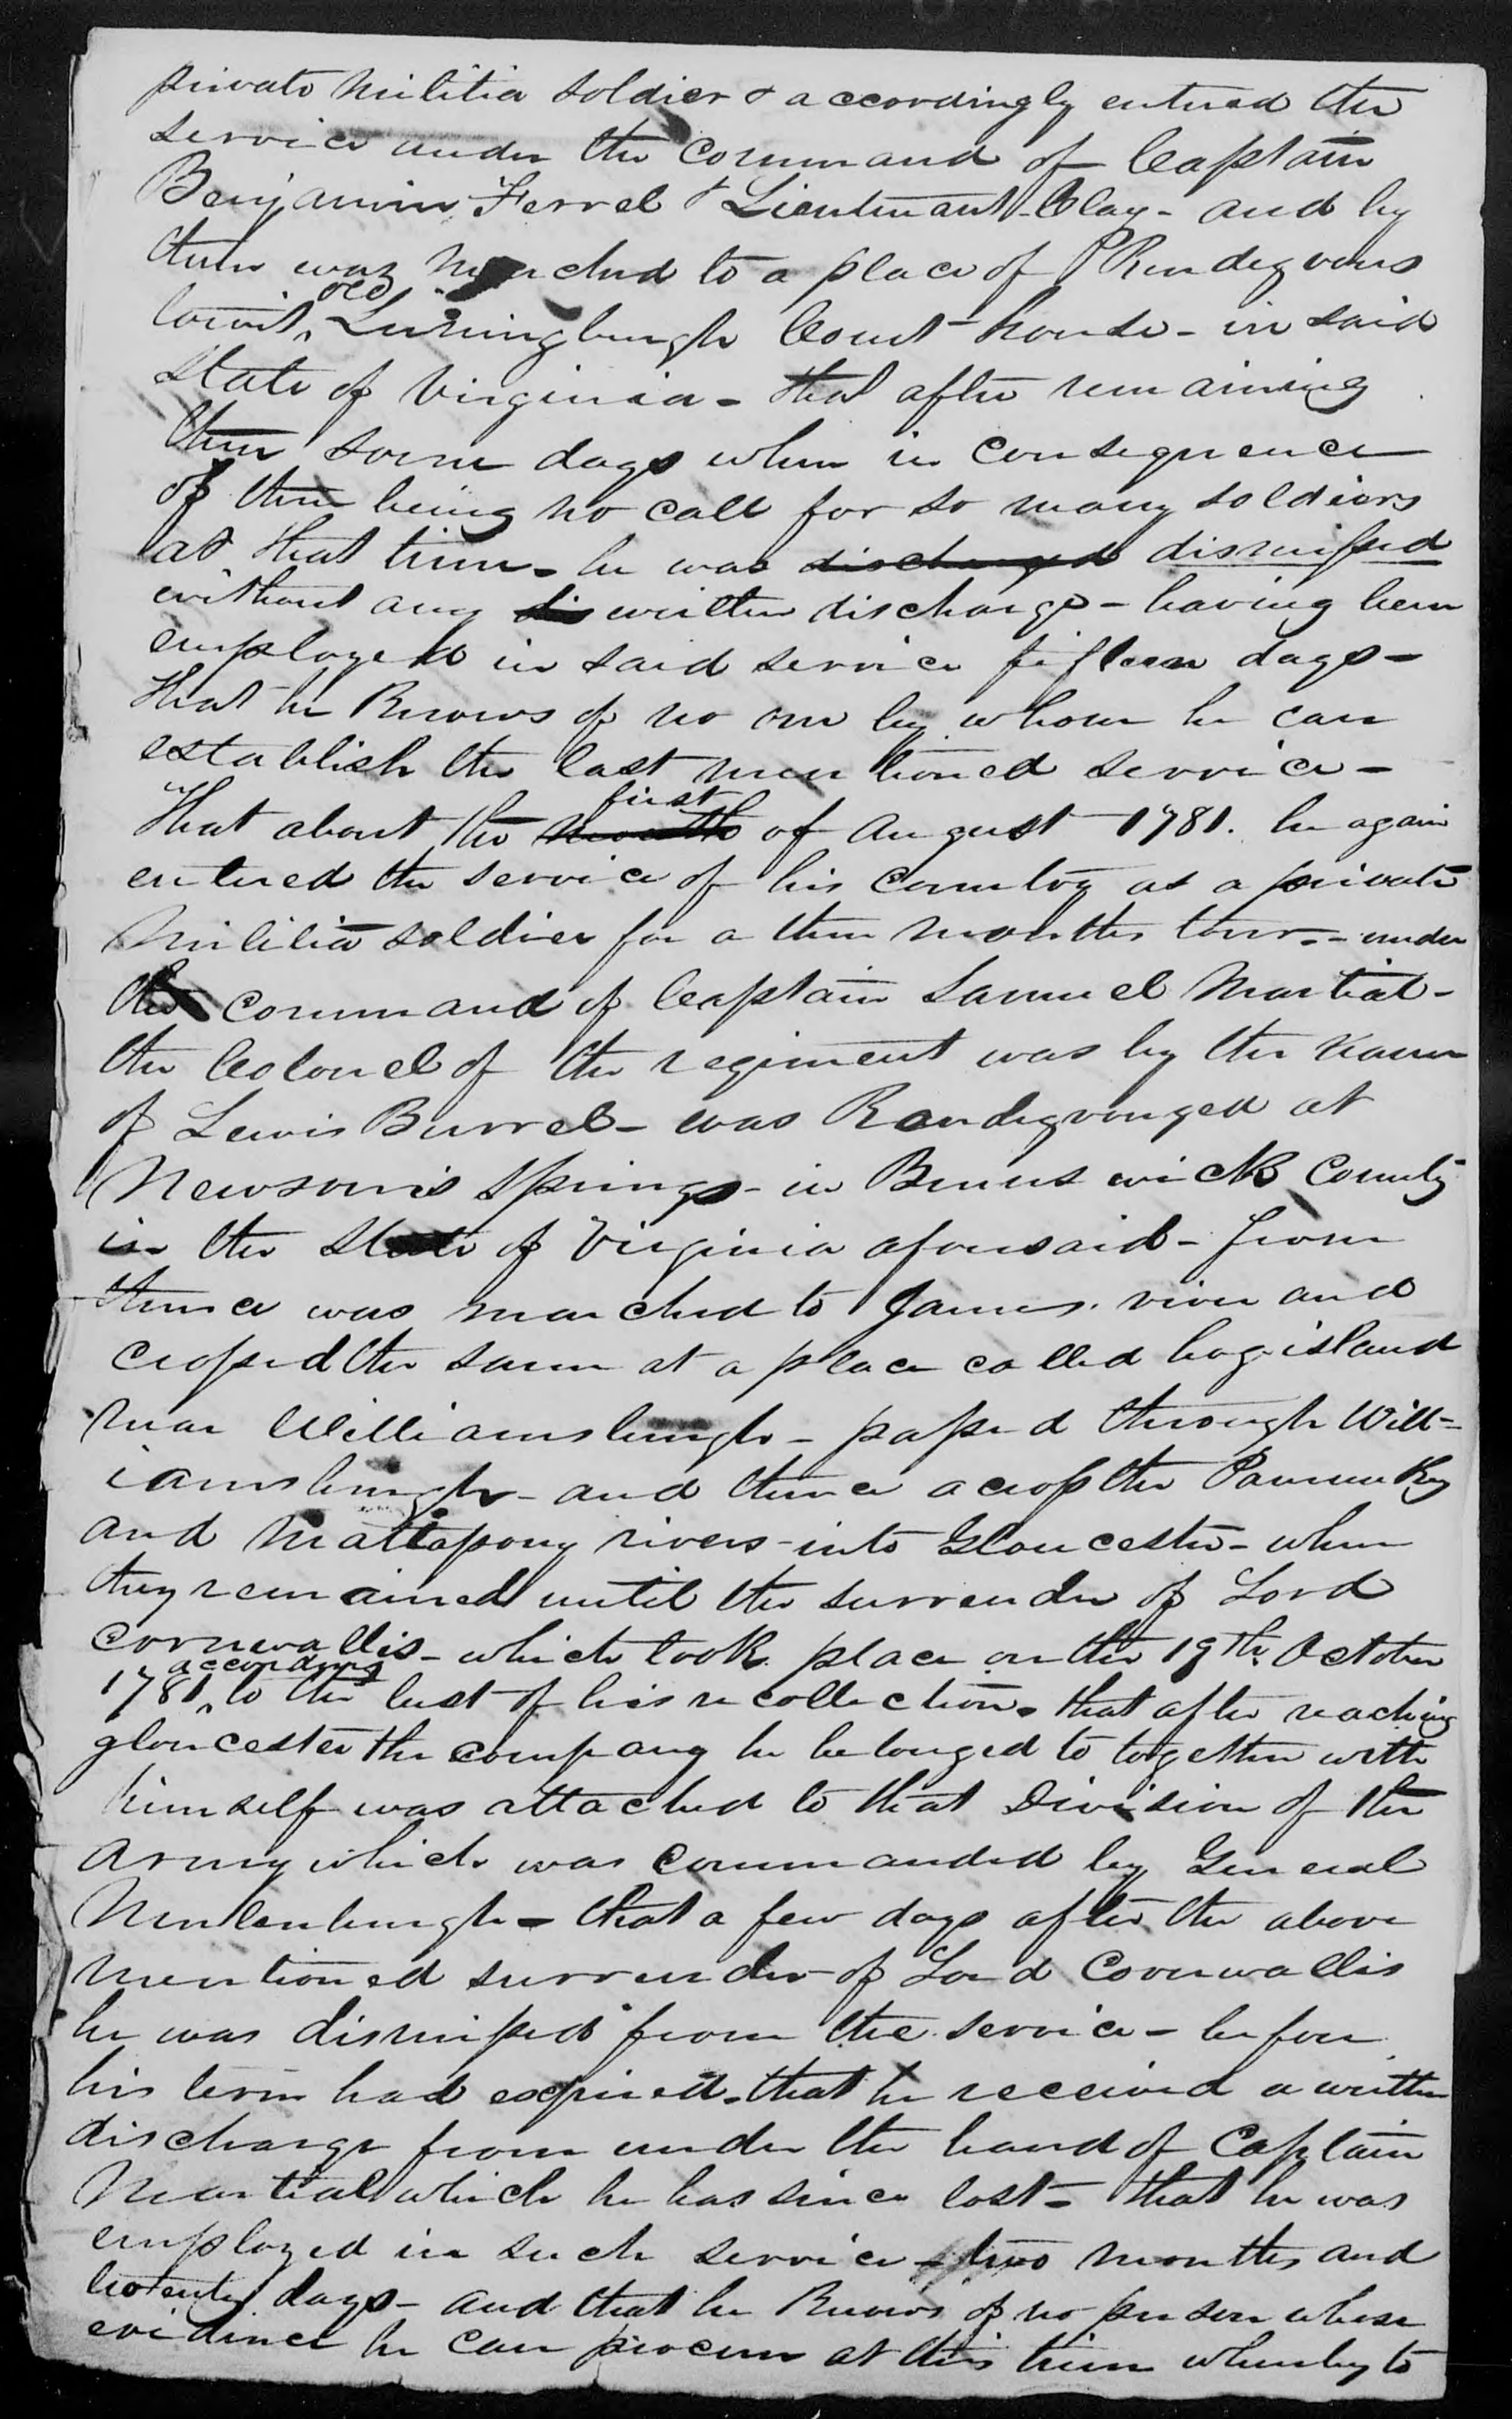private militia Soldier & accordingly entered this service under the command of Captain Benjamin Ferrel & Lieutenant Clay.  and by them was marched to a place of  Rendezvous to wit old Luringburgh Court house-in said State of Virginia.  that after remaining there some days when in consequence of there being no call for so many soldiers at that time.  he was [crossed out: discharged] dismissed without any written discharge - having been employed in said service fifteen days.  that he knows of no one by whom he can establish this last mentioned service.
That about the first of August 1781, he again entered the service of his country as a private militia soldier for another months tour- under the command of Captain Samuel Martial.  The Colonel of this regiment was by the name of Lewis Burrel.  was rendezvoused at Newsom's Springs in Brunswick County in the State of Virginia aforesaid.  from there we was marched to James river and crossed the same at a place called hog island near Williamsburgh.  passed through Williamsburgh and then across the Pamunky and Mattapony rivers into Gloucester.  where they remained until the surrender of Lord Cornwallis.  which took place on the 19th of October 1781, according to the best of his recollection. That after reaching Gloucester the company he belonged to together with himself was attached to that Division of the Army which was commanded by General [Peter] Mulenburgh.  that a few days after the above mentioned surrender of Lord Cornwallis he was dismissed from the service - before his term had expired. That he received a written discharge from under the hand of Captain Martial which he has since lost.  that he was employed in such service two months and twenty days.  and that he knows of no person whose evidence he can procure at this time whereby to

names: Martial, Benjamin Ferrel, Lord Cornwallis, James Viver, Clay, Lord Cornwallis, Lewis Burrel, Samuel Martial, Mulenburgh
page: 4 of 20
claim: survivor's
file: S. 32,124, John Bowen, Va.